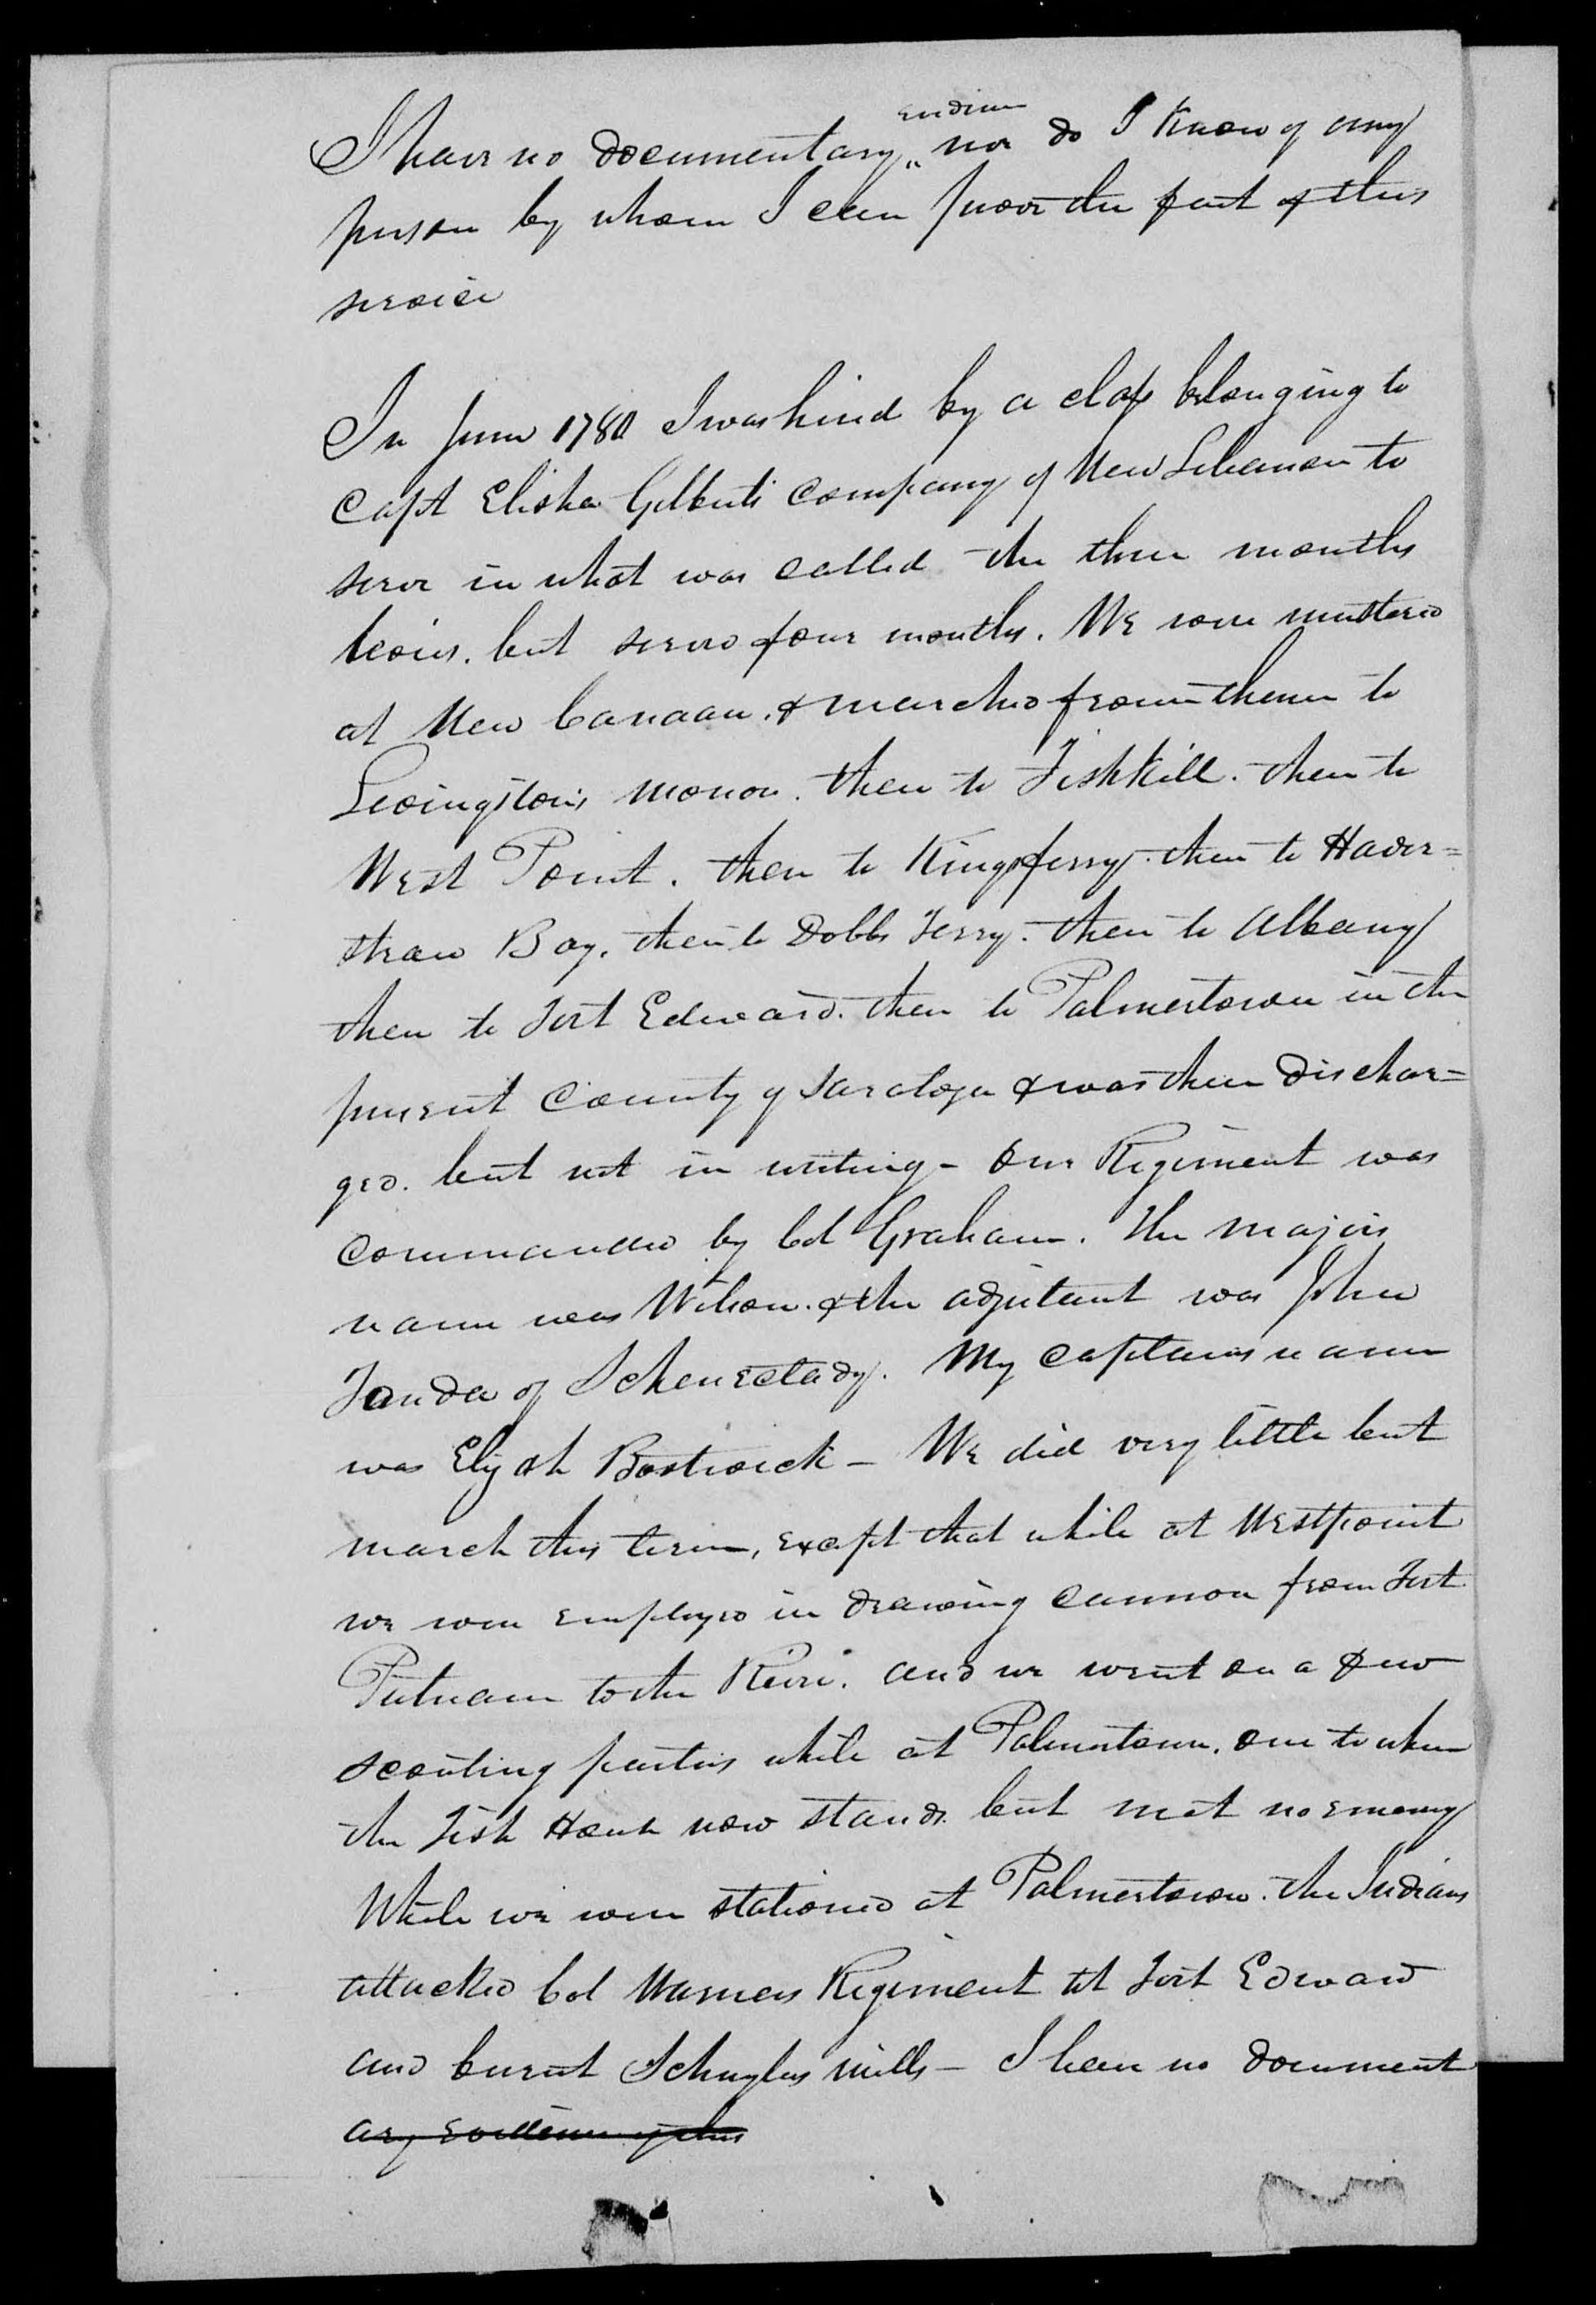I have no documentary evidence nor do I know of any person by whom I can prove the fact of this service.
In June 1780 I was hired by a class belonging to Capt Elisha Gilbert's company of New Lebanon to serve in what was called the three months levies, but served four months. We were mustered at New Canaan & marched from thence to Livingston Manor, then to Fishkill, then to West Point, then to Kings Ferry then to Haverstraw Bay, then to Dobbs Ferry, then to Albany then to Fort Edward then to Palmertown in the present County of Saratoga & was then discharged, but not in writing. Our Regiment was commanded by Col Graham, the Major's name was Wilson & the adjutant was John Fonda of Schenectady.  My captain's name was Elijah Bostwick. We did very little but
march this term, except that while at West Point, we were employed in drawing cannon from Fort Putnam to the River and we went on a few scouting parties while at Palmertown, one to where the Fish House now stands but met no enemy.
While we were stationed at Palmertown the Indians attacked Col Warner's Regiment at Fort Edward and burnt Schuyler's Mill-- I have no documentary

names: [BLANK] Wilson; [BLANK] Graham; John Junda; Elijah Bostwick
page: 8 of 23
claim: survivor's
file: S. 14,229, for Robert Pratt, New York